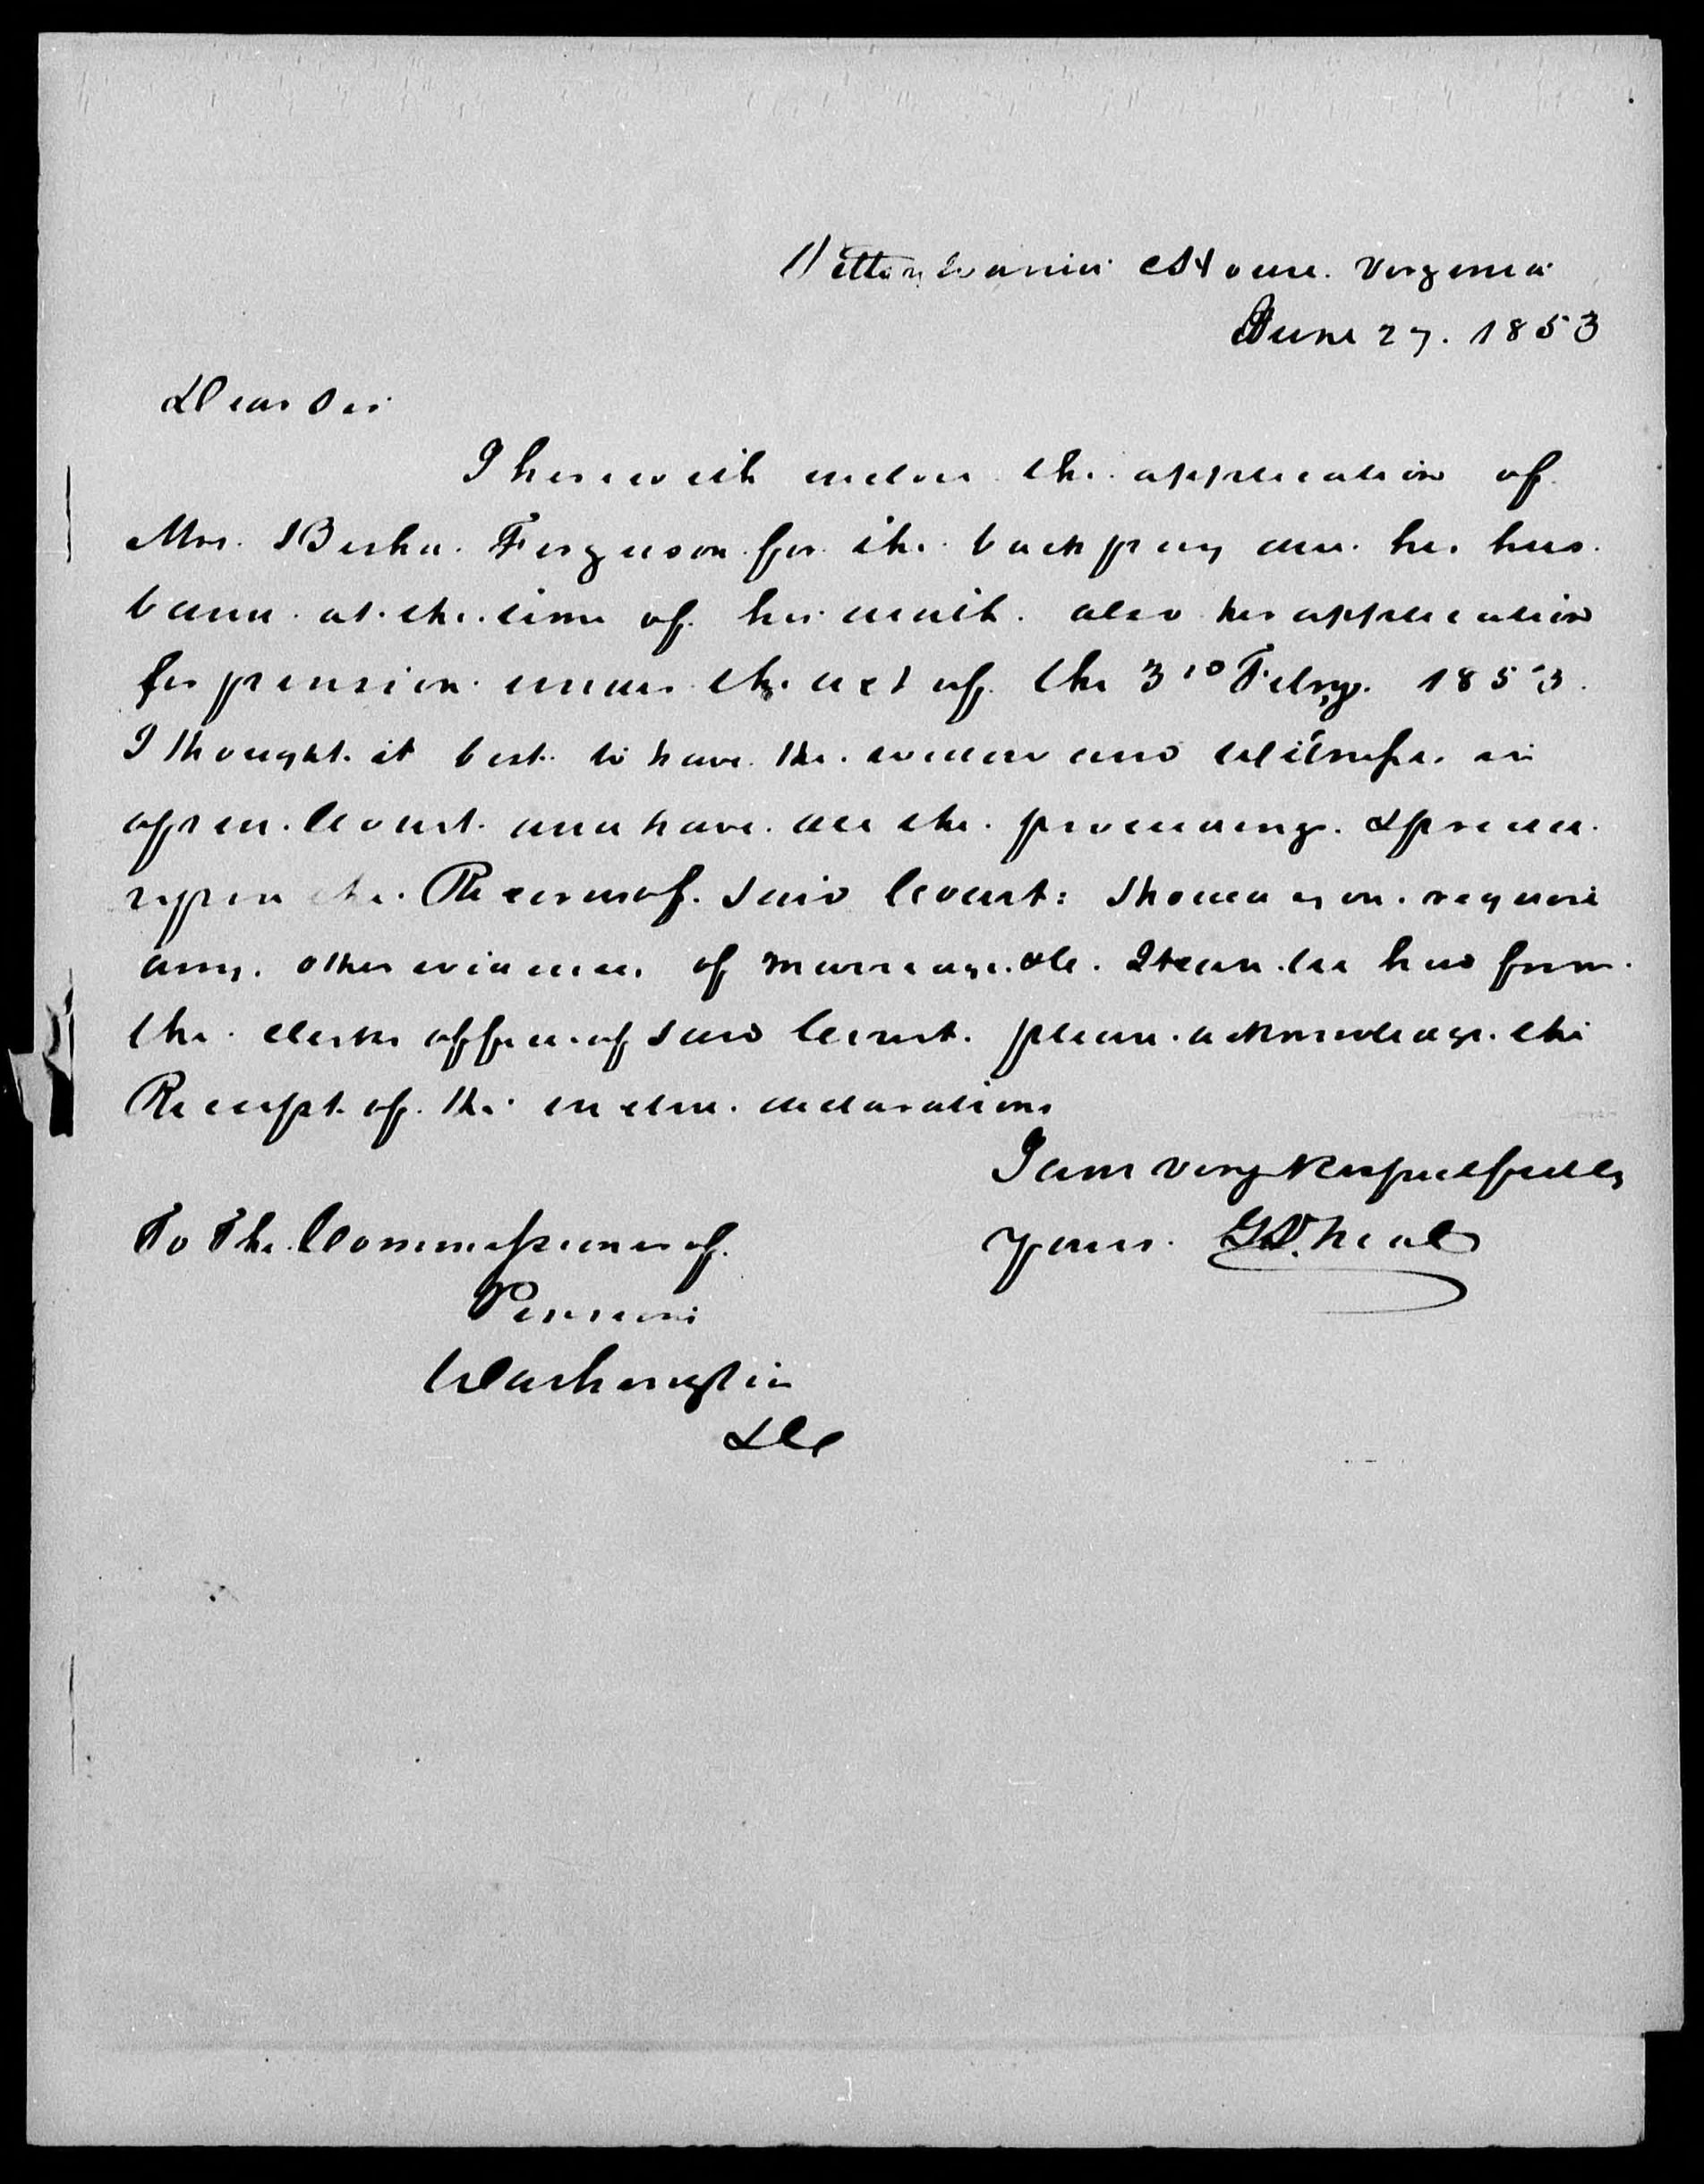Dear Sir
Pittsylvania House, Virginia
June 27, 1853
I herewith tender the application of
Mrs. Besha [Besheba]Ferguson for the back pay of her husband at the time of his death also her application for pension under the act of the 3d February. 1853
I thought it best to have the Widow and Witness in open Court and to have all the proceedings 
expressed [?]upon the Records of said Court, should you require any other evidence of marriage. It can be had form the clerks office of said Court. please acknowledge this and the Receipt of the enclosed declaration. 
I am very Respectfully your G O'Neal
To the Commissioner of Pensions
Washington
DC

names: Bisha Ferguson, G D Neal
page: 55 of 81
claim: widow's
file: W. 7262, Robert Ferguson, Va.